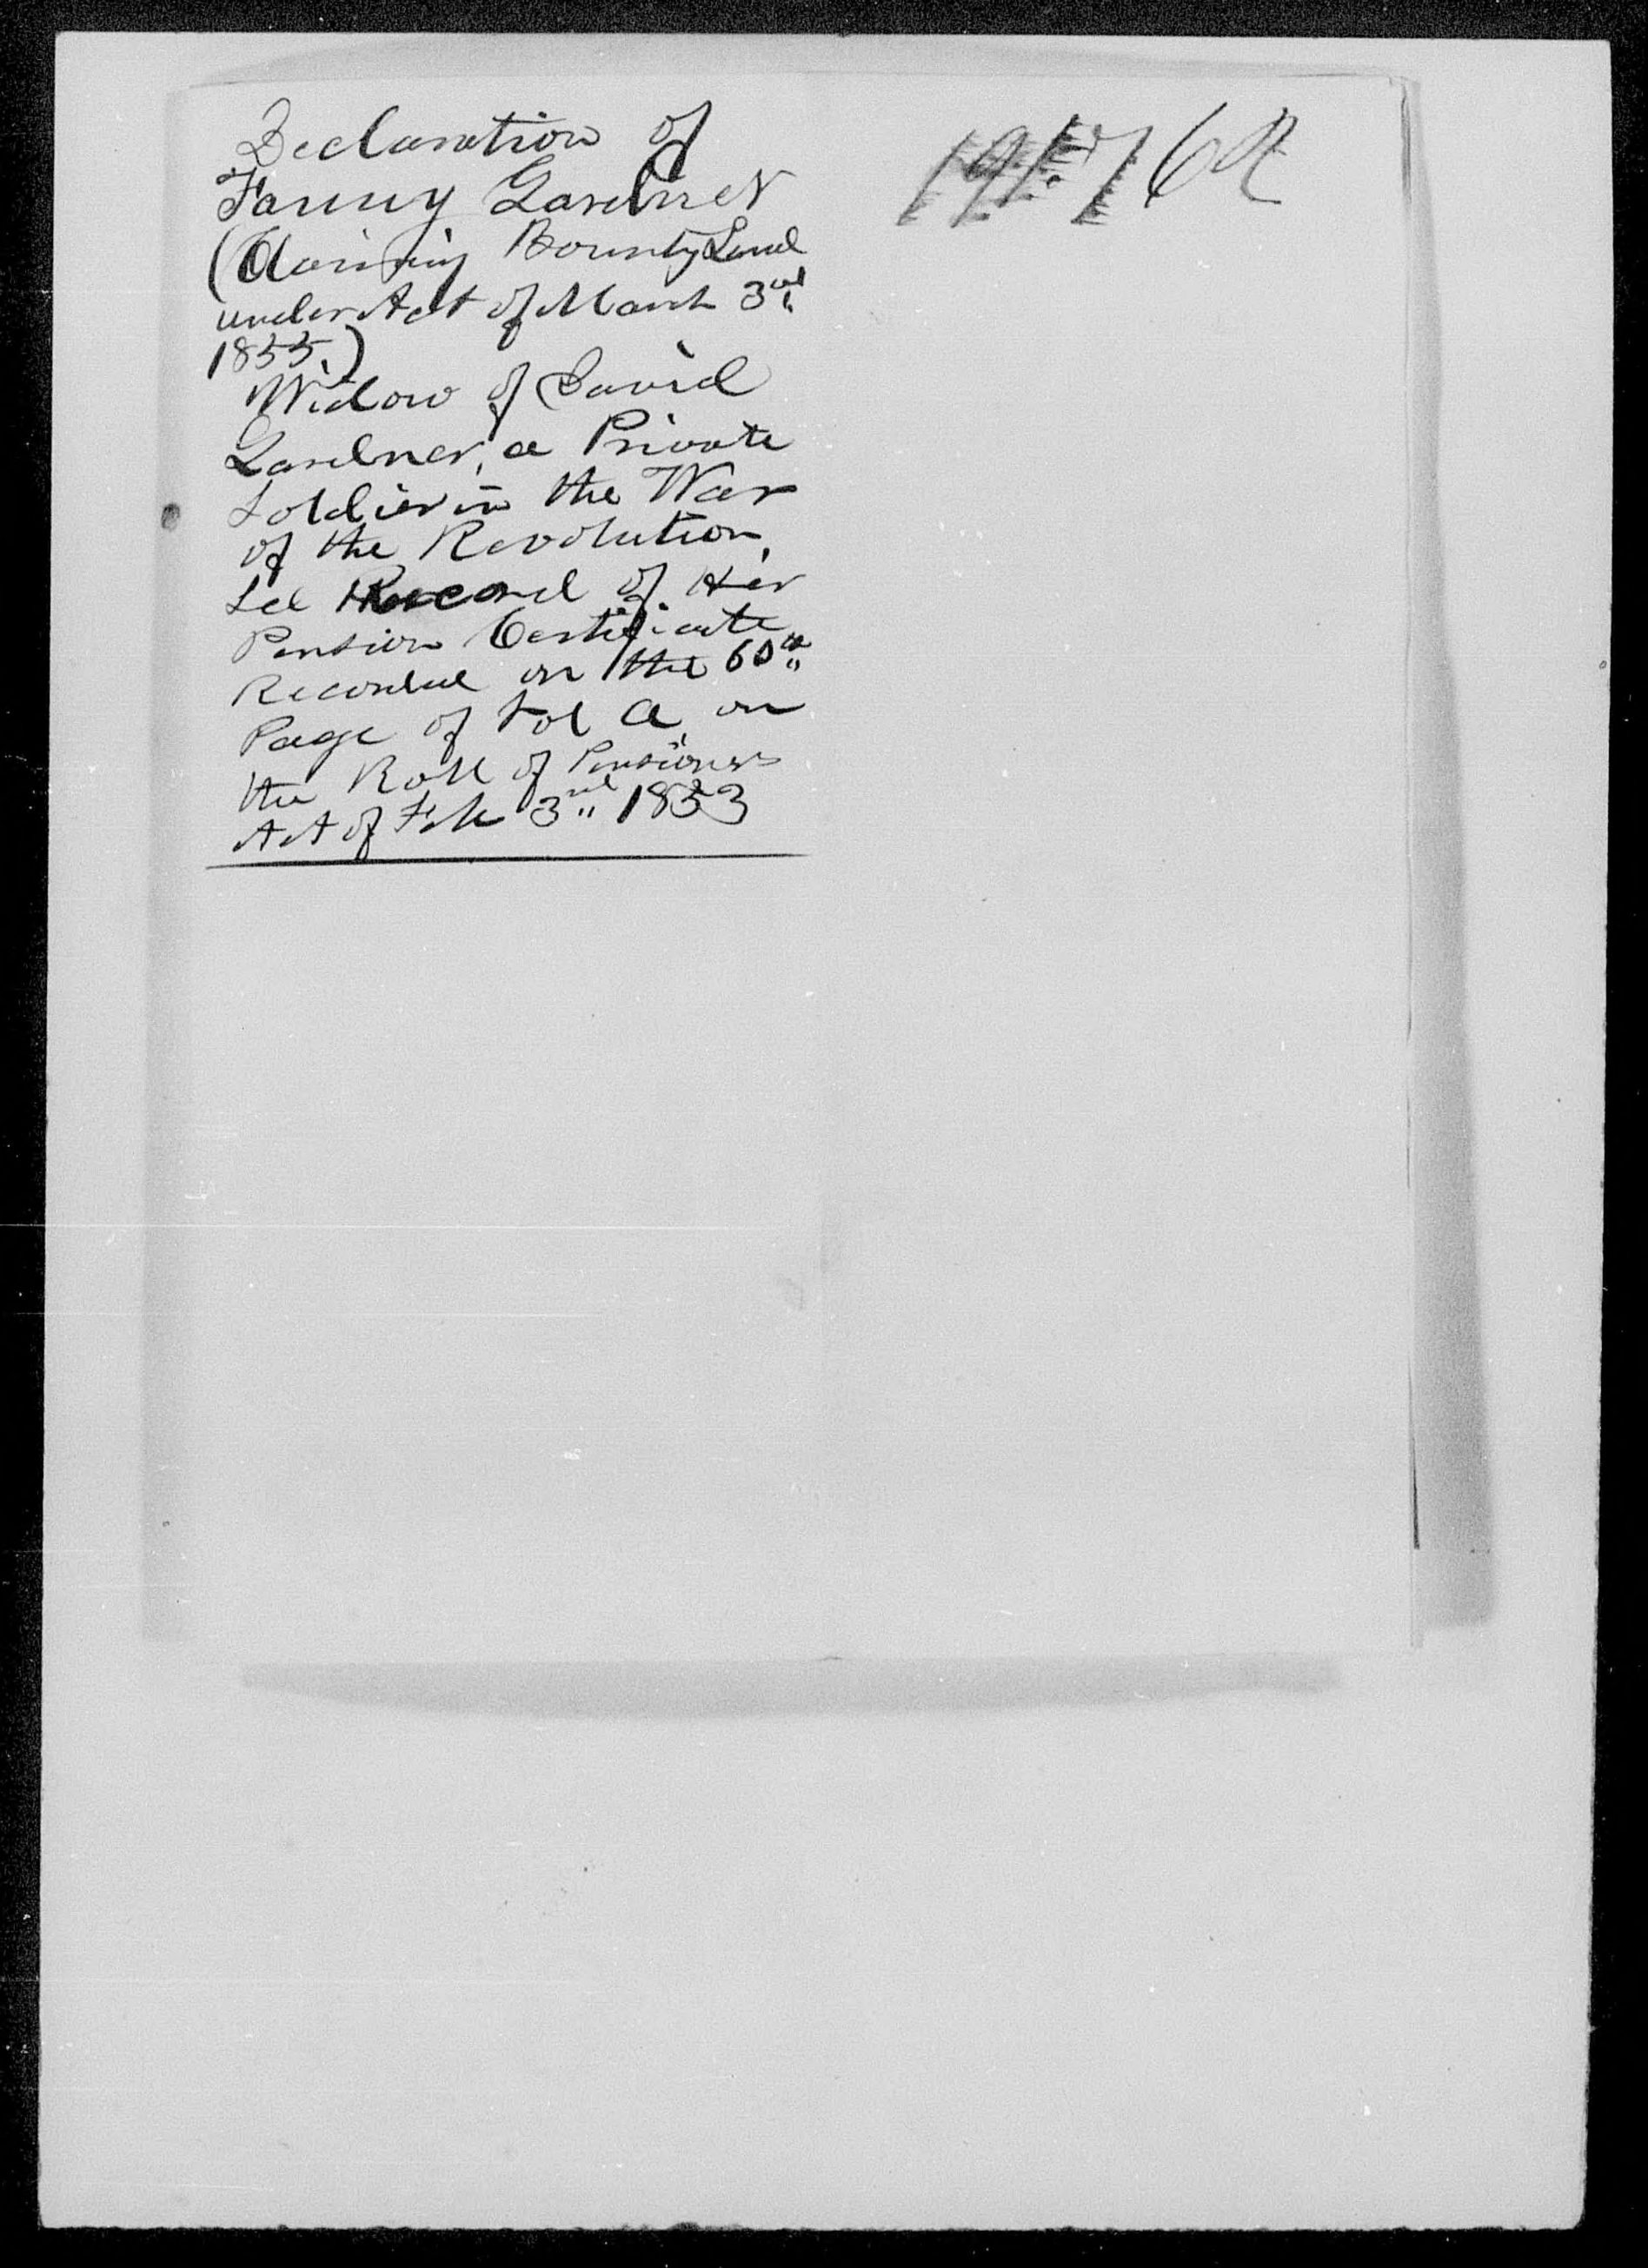Declaration of Fanny Gardner
(Claiming Bounty Land under Act of March 3rd
1855.)
Widow of David Gardner, a Private
Soldier in the War of the Revolution.
See Record of Her Pension Certificate Recorded on the 60th Page of Vol A on the Roll of Pensioners
Act of Feb 3rd 1853

19176 R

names: David Gardner, Fanny Gardner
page: 11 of 66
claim: widow's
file: W 1850, David Gardner, Conn.